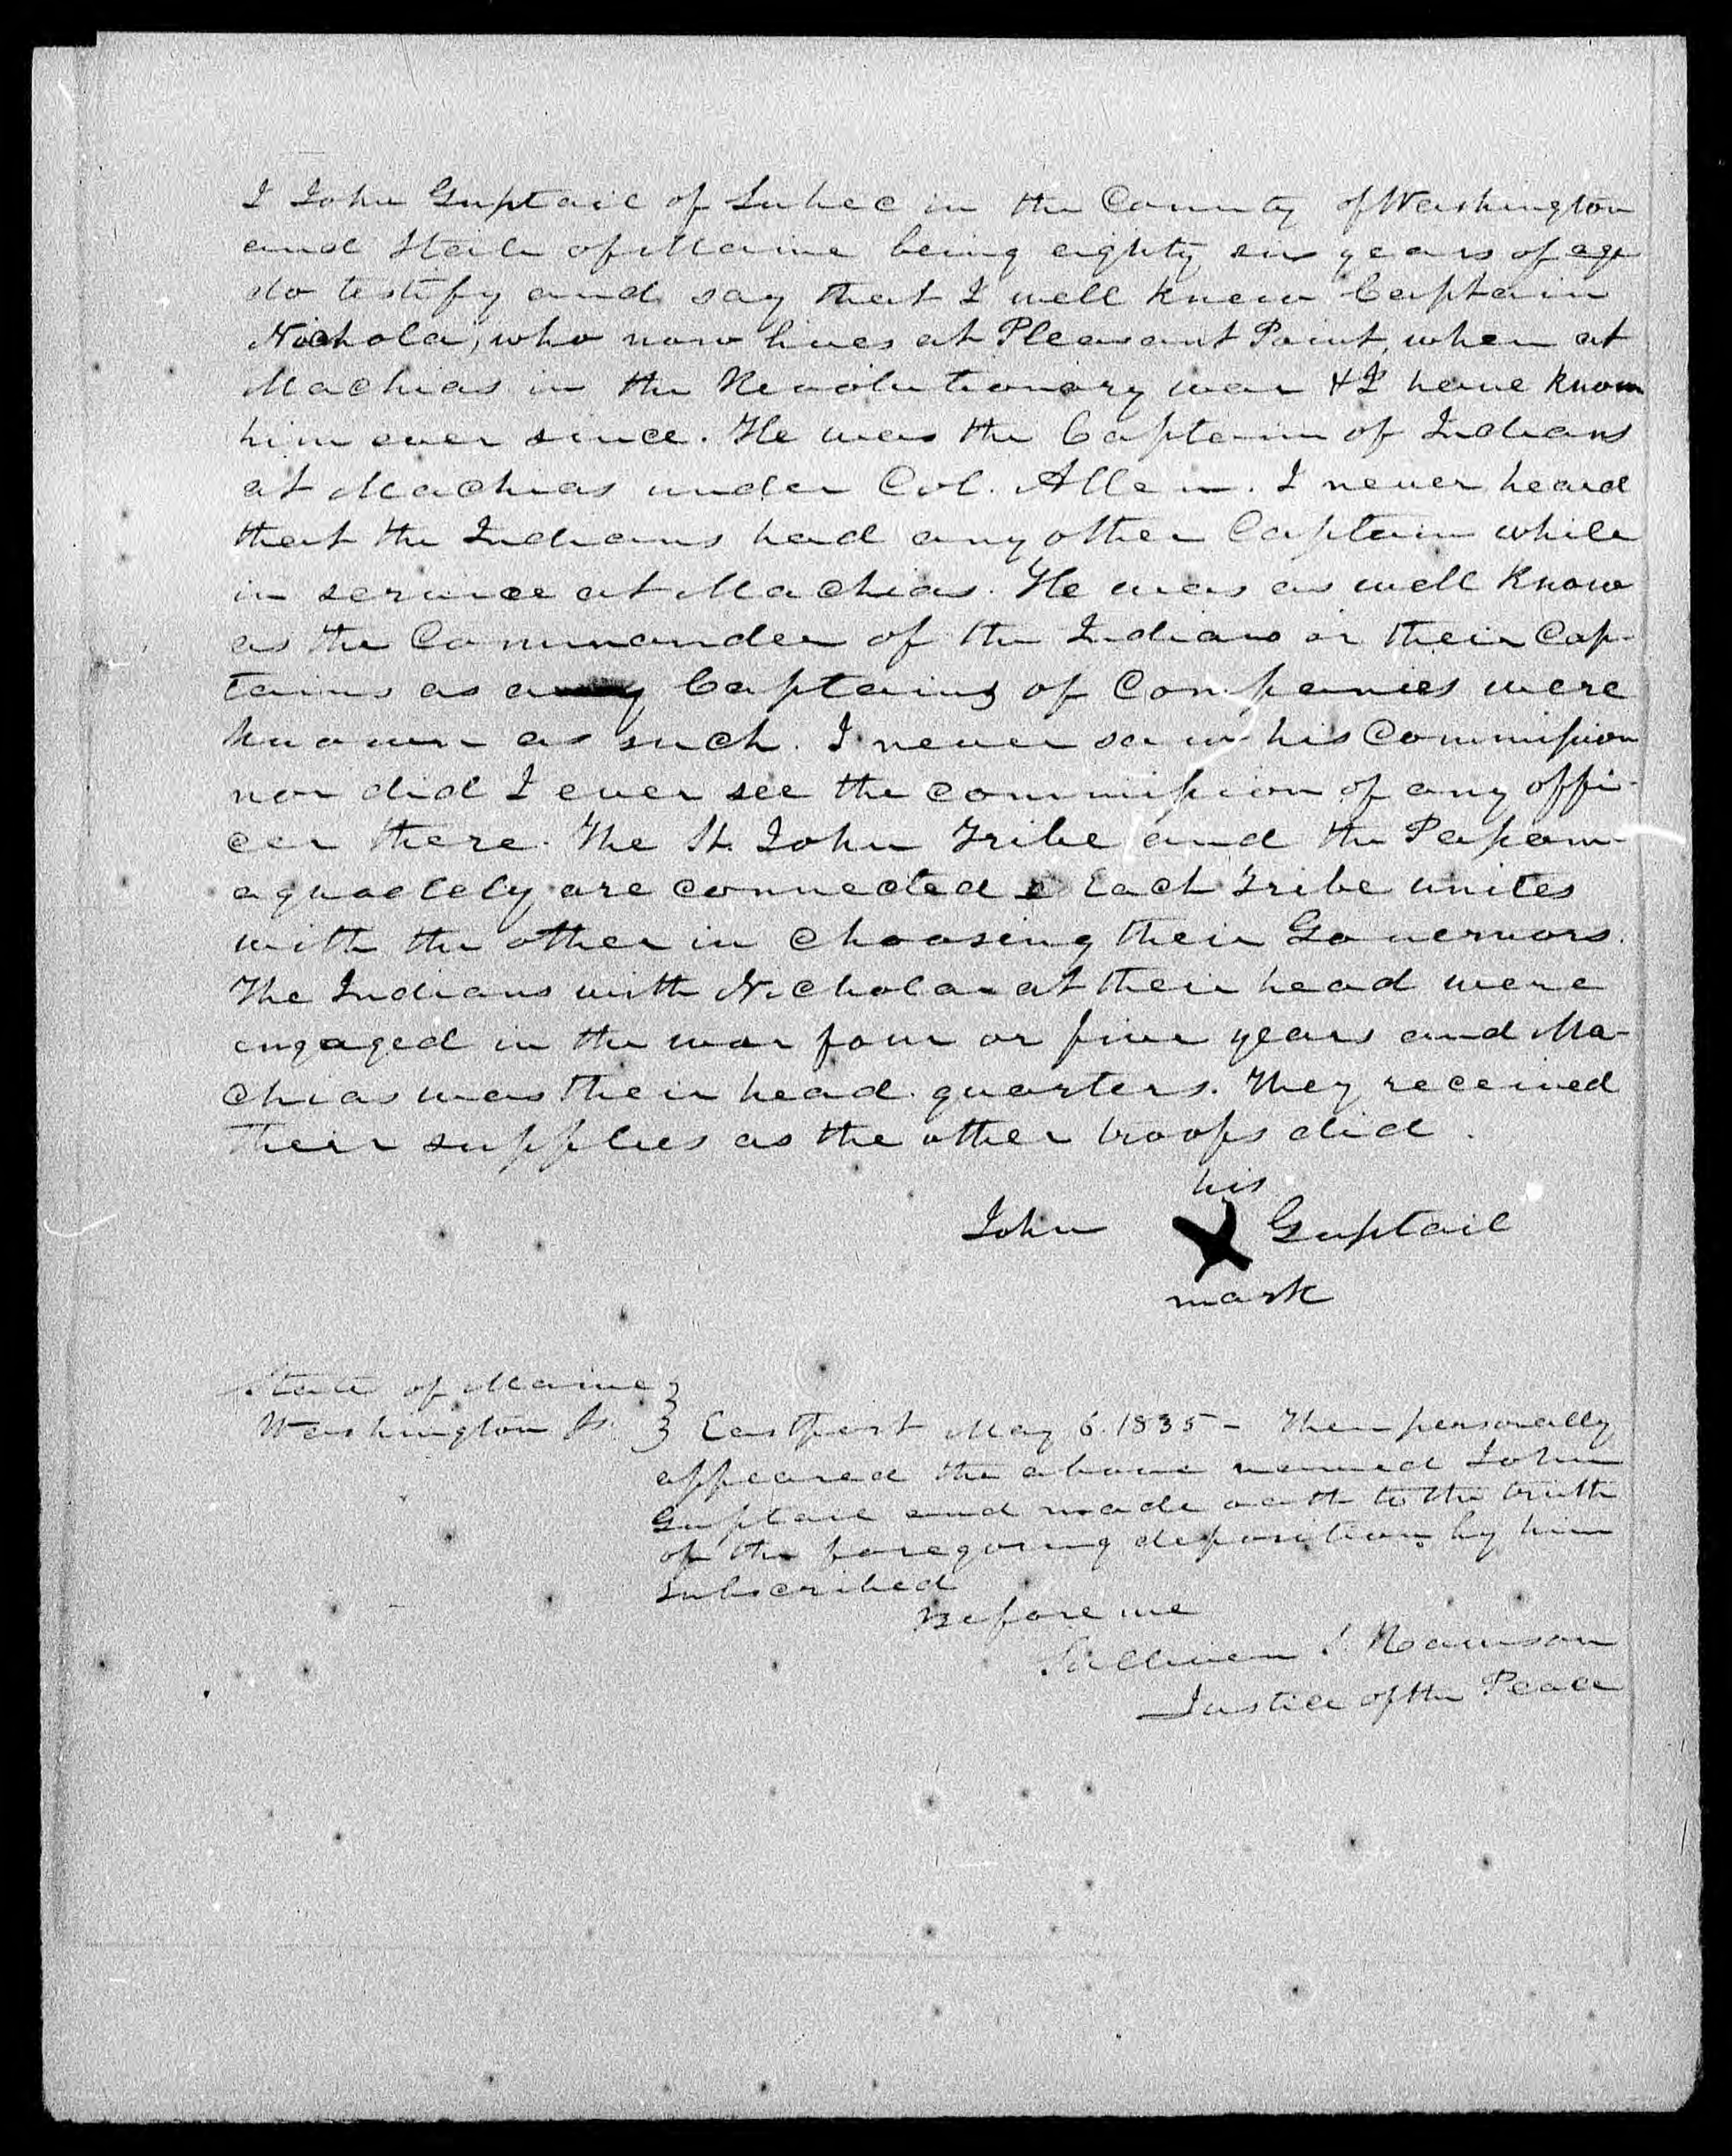I John Guptail of Lubec in the County of Washington
and state of Maine being eighty six years of age
do destify and say that I well knew Captain
Nichola, who now lives at Pleasant Point, when at
Machias in the Revolutionary war & I have known
him ever since. He was the Captain of Indians
at Machias under Col. Allen. I never heard
that the Indians had any other Captain while
in service at Machias. He was as well know
as the Commander of the Indians or their Cap-
tains as a Captain of Companies were
known as such. I never saw his Commission
nor did I ever see the Commission of any offi-
cer there. The St. John Tribe and the Papam-
aquadely are connected to each Tribe unites
with the other in choosing their Governors.
The Indians with Nichoas at their head were
engaged in the war four or five years and Ma-
chias was their head quarters. They received 
their supplies as the other troops did.

John his X mark Guptail


State of Maine
Washington ss.

Eastport May 6, 1835 – There personally
appeared the above named John
Fuptail and made oath to the truth
of the foregoing deposition by him
subscribed

Before me
Sullivan S Rawson
Justice of the Peace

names: Nicholas, Nichola, Sullivan S Rawson, Allen, John Guptail, John Guptail, John Guptail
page: 33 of 52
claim: survivor's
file: S 17997, Nicholas Hawwawas, Mass.